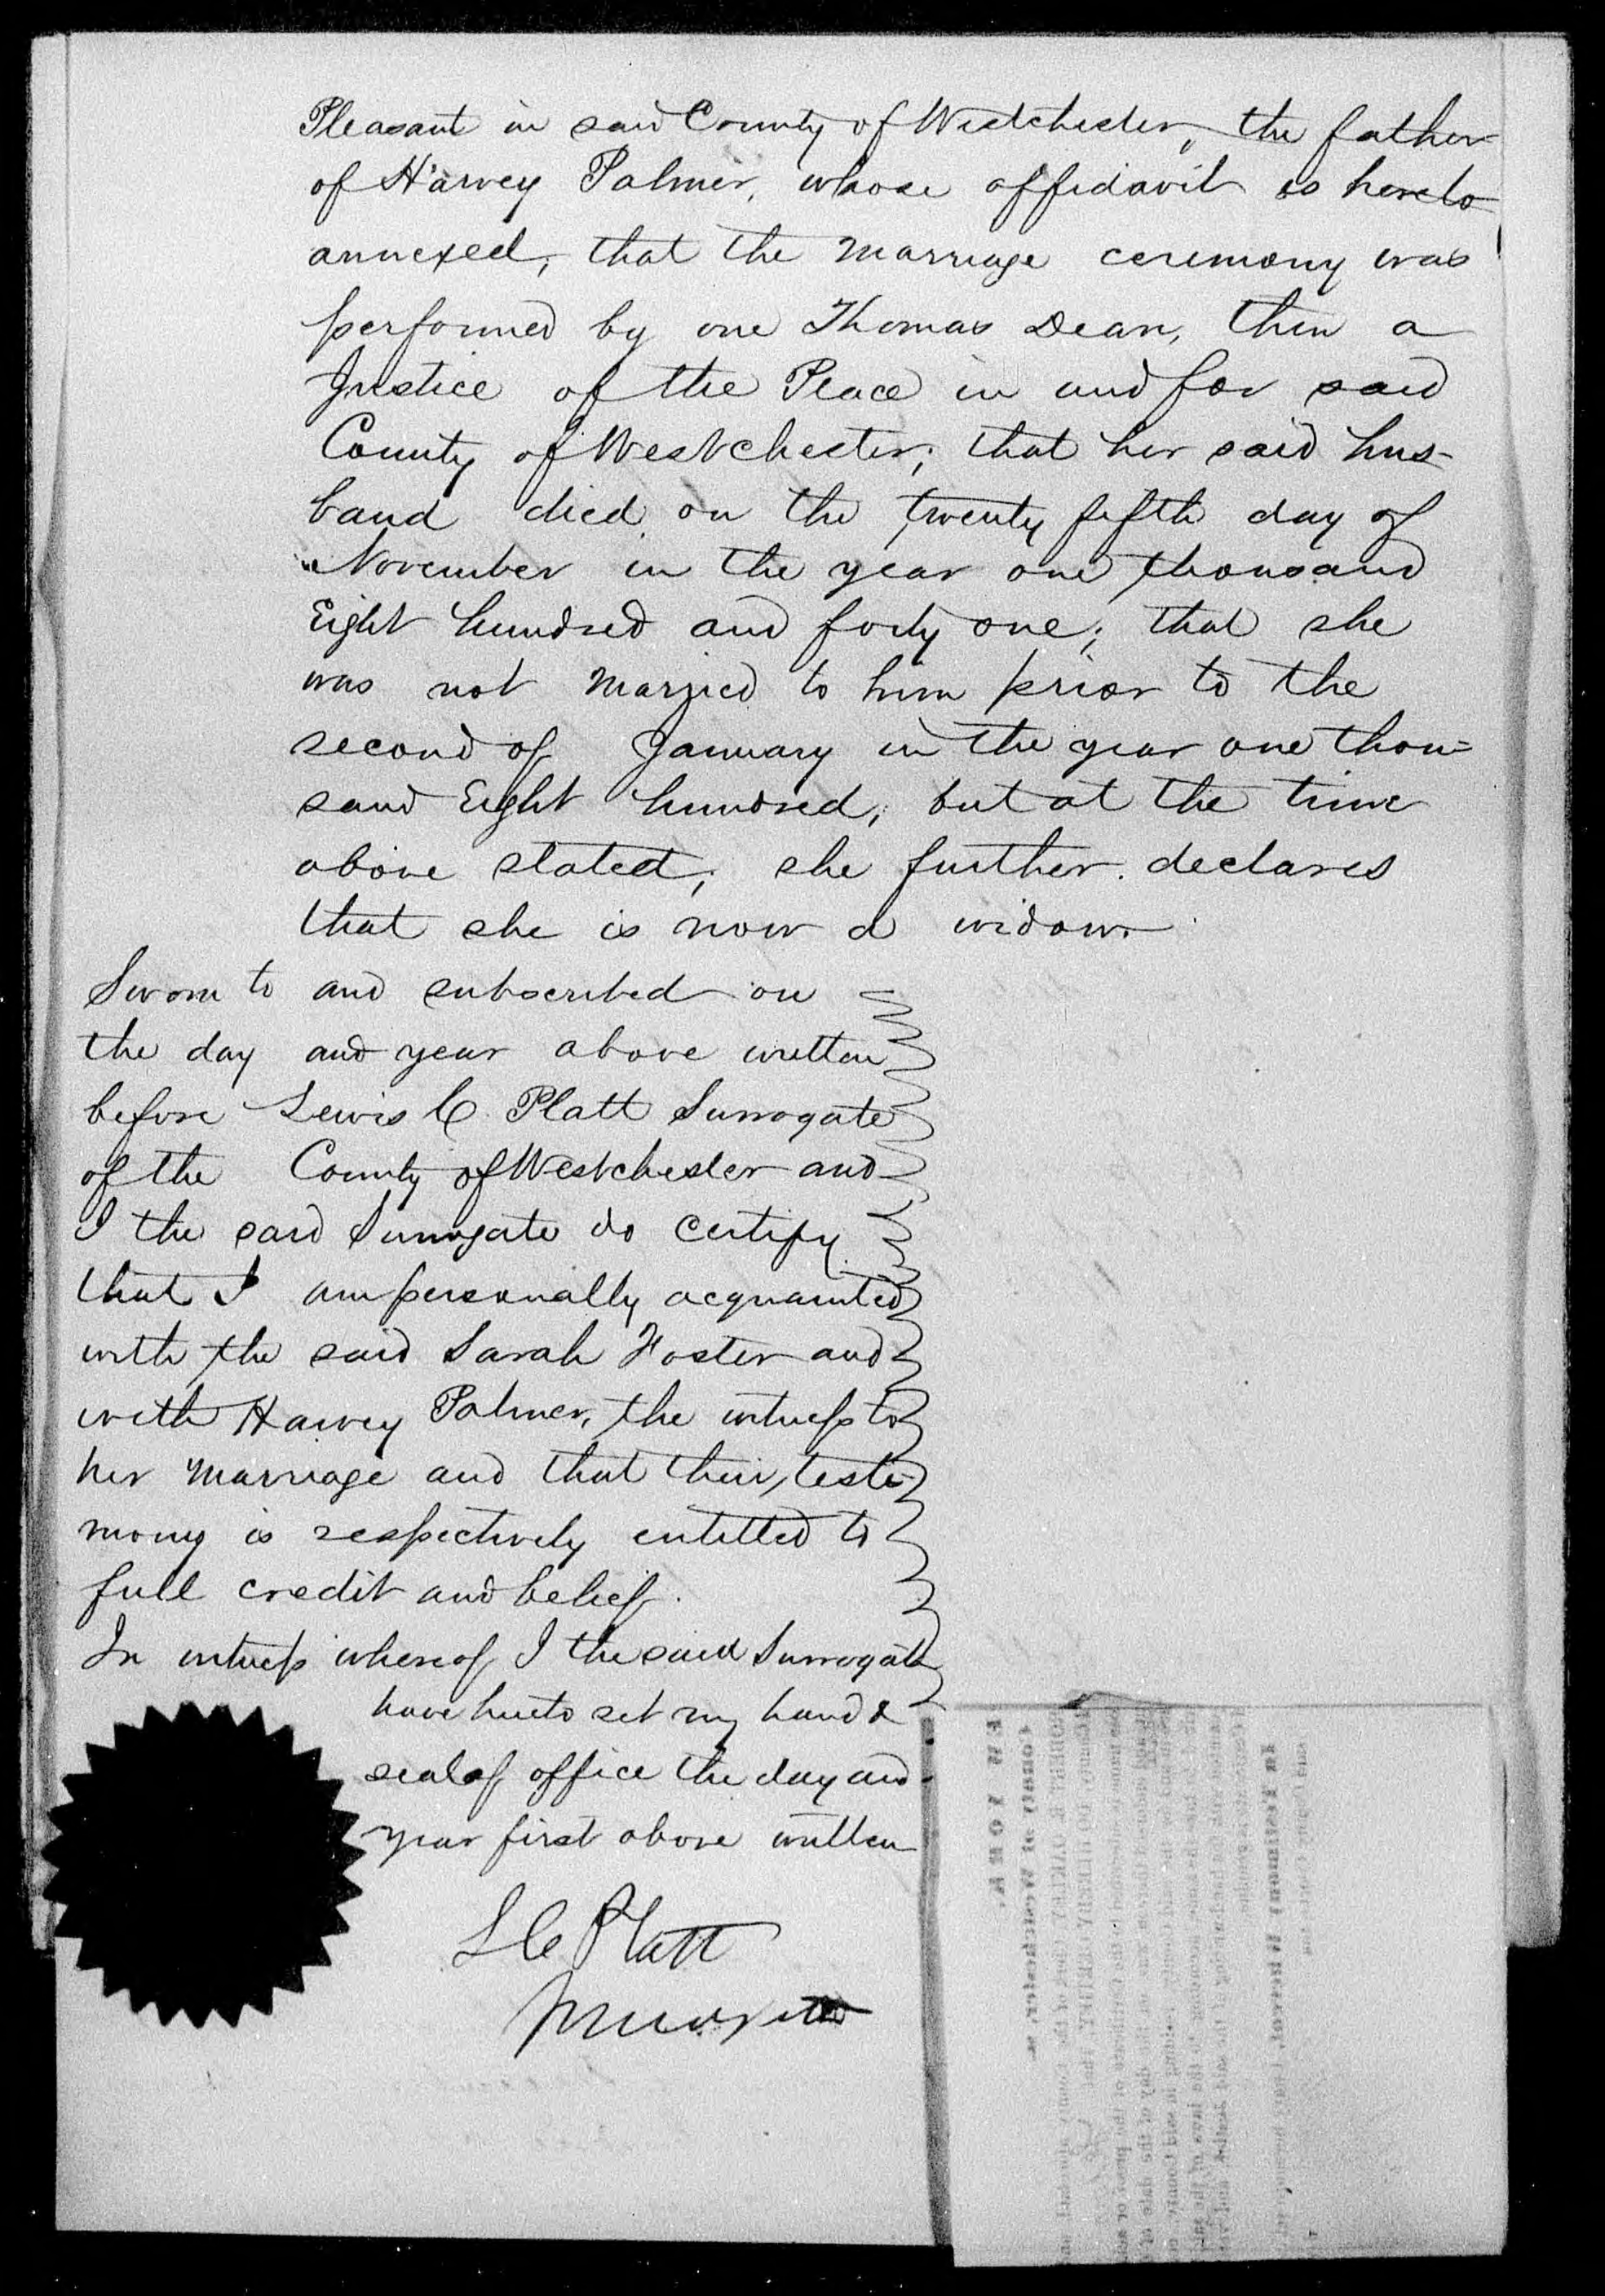This is duplicate of the last page with the printed document folded back.

Pleasant in said County of Westchester the father of Harvey Palmer, whose affidavit is hereto annexed, that the marriage ceremony was performed by one Thomas Dean, then a Justice of the Peace in and for said County of Westchester, that her said husband died on the twenty fifth day of November in the year one thousand Eight hundred and forty one, that she was not married to him  second of January  sand Eight hundred,  above stated, she  that she is now a widow. 
Sworn to and subscribed on  
the day and year above written  
before Lewis C. Platt Surrogate  
of the County of Westchester and  
I the said Surrogate to certify  
that I am personally acquainted  
with the said Sarah Foster and  
with Harvey Palmer, the witness to  
her marriage and that their testimony 
is respectfully entitled to  
full credit and belief. 
In witness whereof I the said Surrogate  
have hereto set my hand & 
seal  of office the day and  
year first above written. 
L. C. Platt Judge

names: Robert R Oakley, Harvey Palmer, L C Platt, Harvey Palmer, Lewis C Platt, Sarah Foster, Thomas Dean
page: 19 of 57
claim: widow's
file: W. 5275 1/2, Michael Foster, Penn.